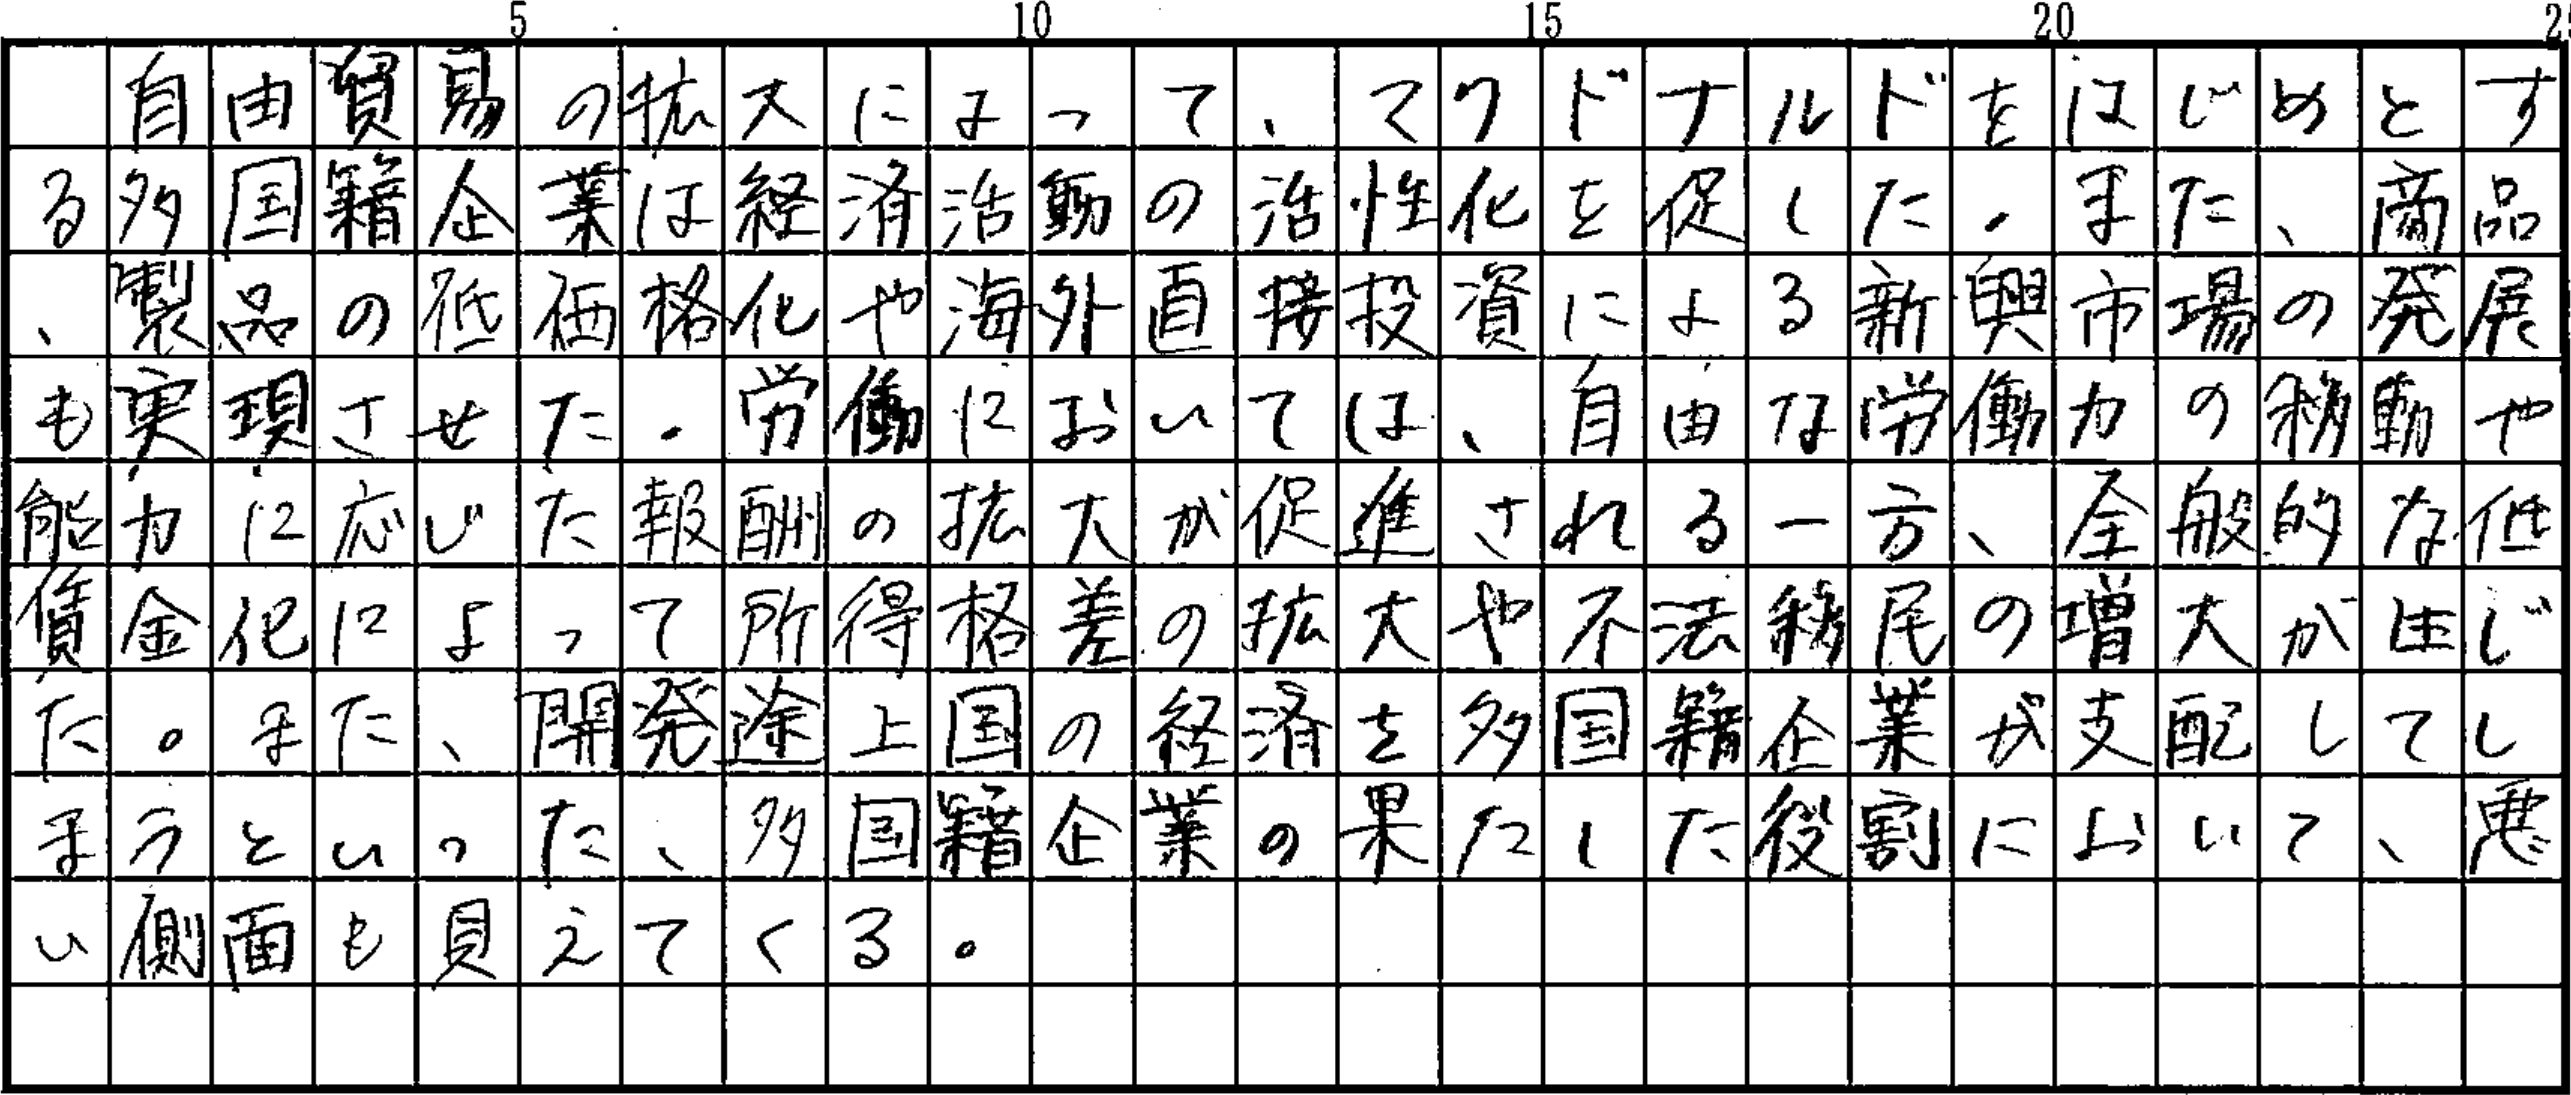  自由貿易の拡大によって、マクドナルドをはじめとする多国籍企業は経済活動の活性化を促した。また、商品、製品の低価格化や海外直接投資による新興市場の発展も実現させた。労働においては、自由な労働力の移動や能力に応じた報酬の拡大が促進される一方、全般的な低賃金化によって所得格差の拡大や不法移民の増大が生じた。また、開発途上国の経済を多国籍企業が支配してしまうといった、多国籍企業の果たした役割において、悪い側面も見えてくる。
